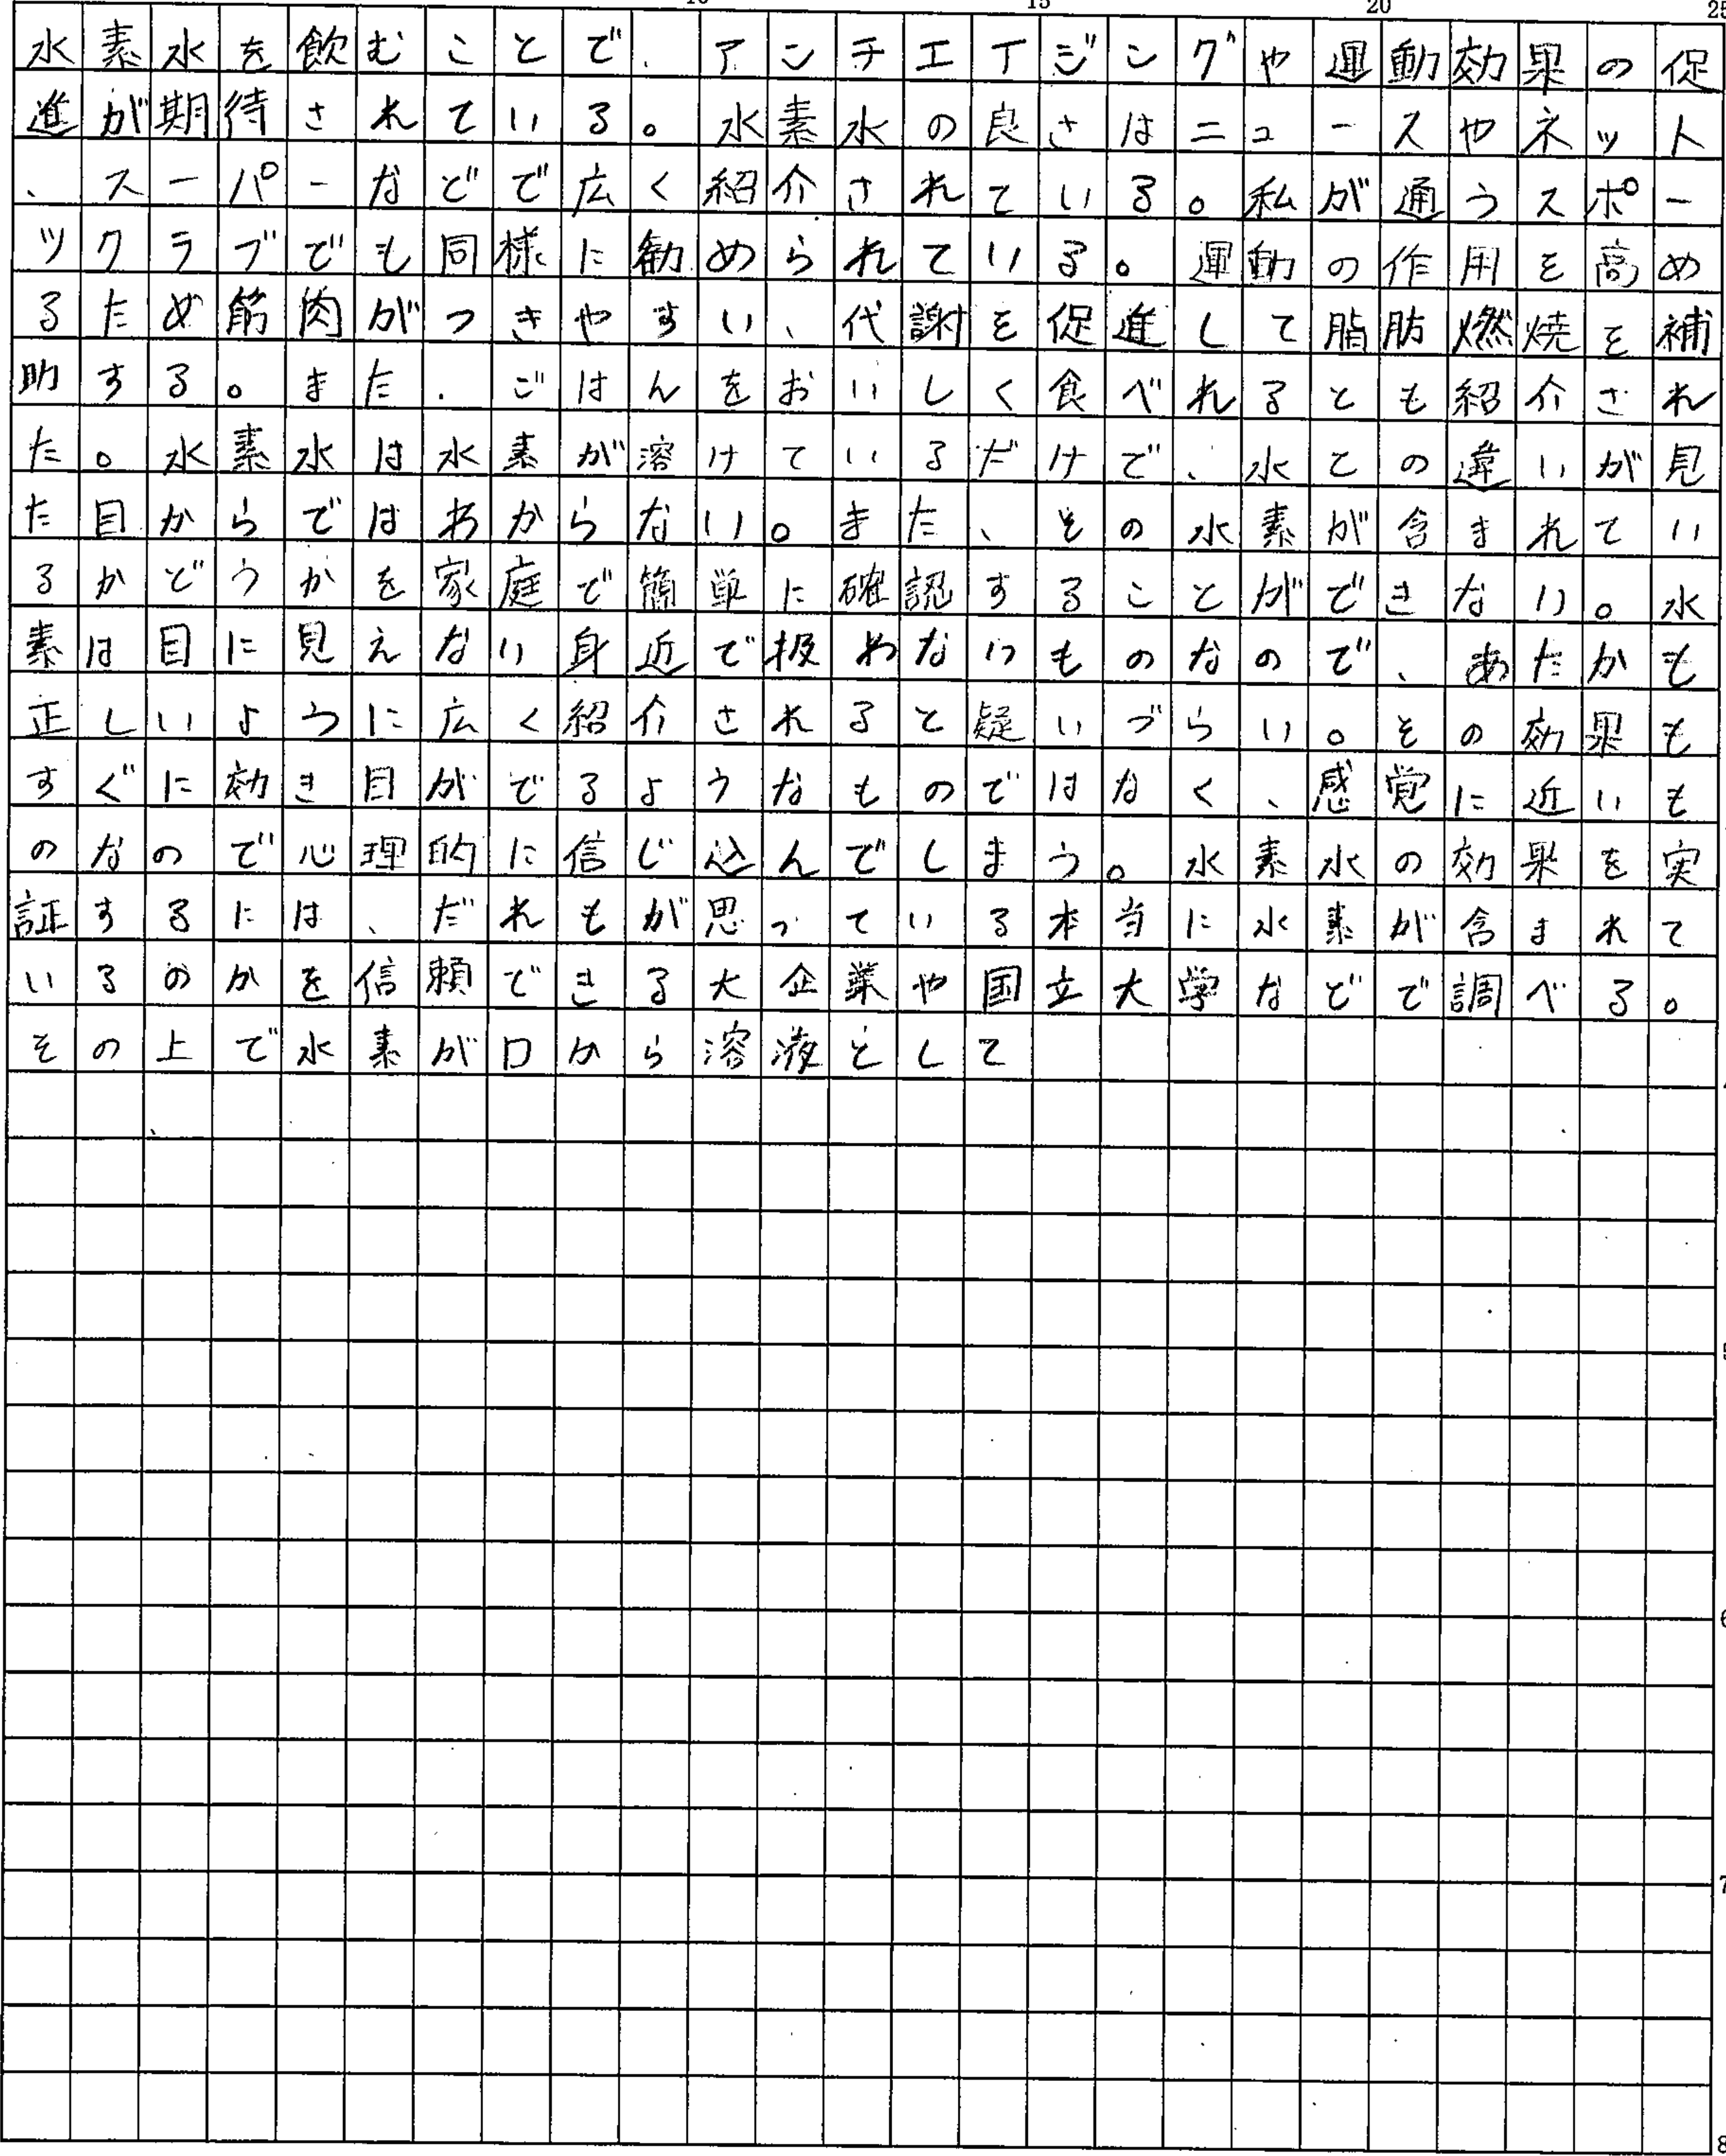水素水を飲むことで　アンチエイジングや運動効果の促進が期待されている。水素水の良さはニュースやネット、スーパーなどで広く紹介されている。私が通うスポーツクラブでも同様に勧められている。運動の作用を高めるため筋肉がつきやすい、代謝を促進して脂肪燃焼を補助する。また、ごはんをおいしく食べれるとも紹介された。水素水は水素が溶けているだけで、水との違いが見た目からではわからない。また、その水素が含まれているかどうかを家庭で簡単に確認することができない。水素は目に見えない身近で扱わないものなので、あたかも正しいように広く紹介されると疑いづらい。その効果もすぐに効き目がでるようなものではなく、感覚に近いものなので心理的に信じ込んでしまう。水素水の効果を実証するには、だれもが思っている本当に水素が含まれているのかを信頼できる大企業や国立大学などで調べる。その上で水素が口から溶液として
